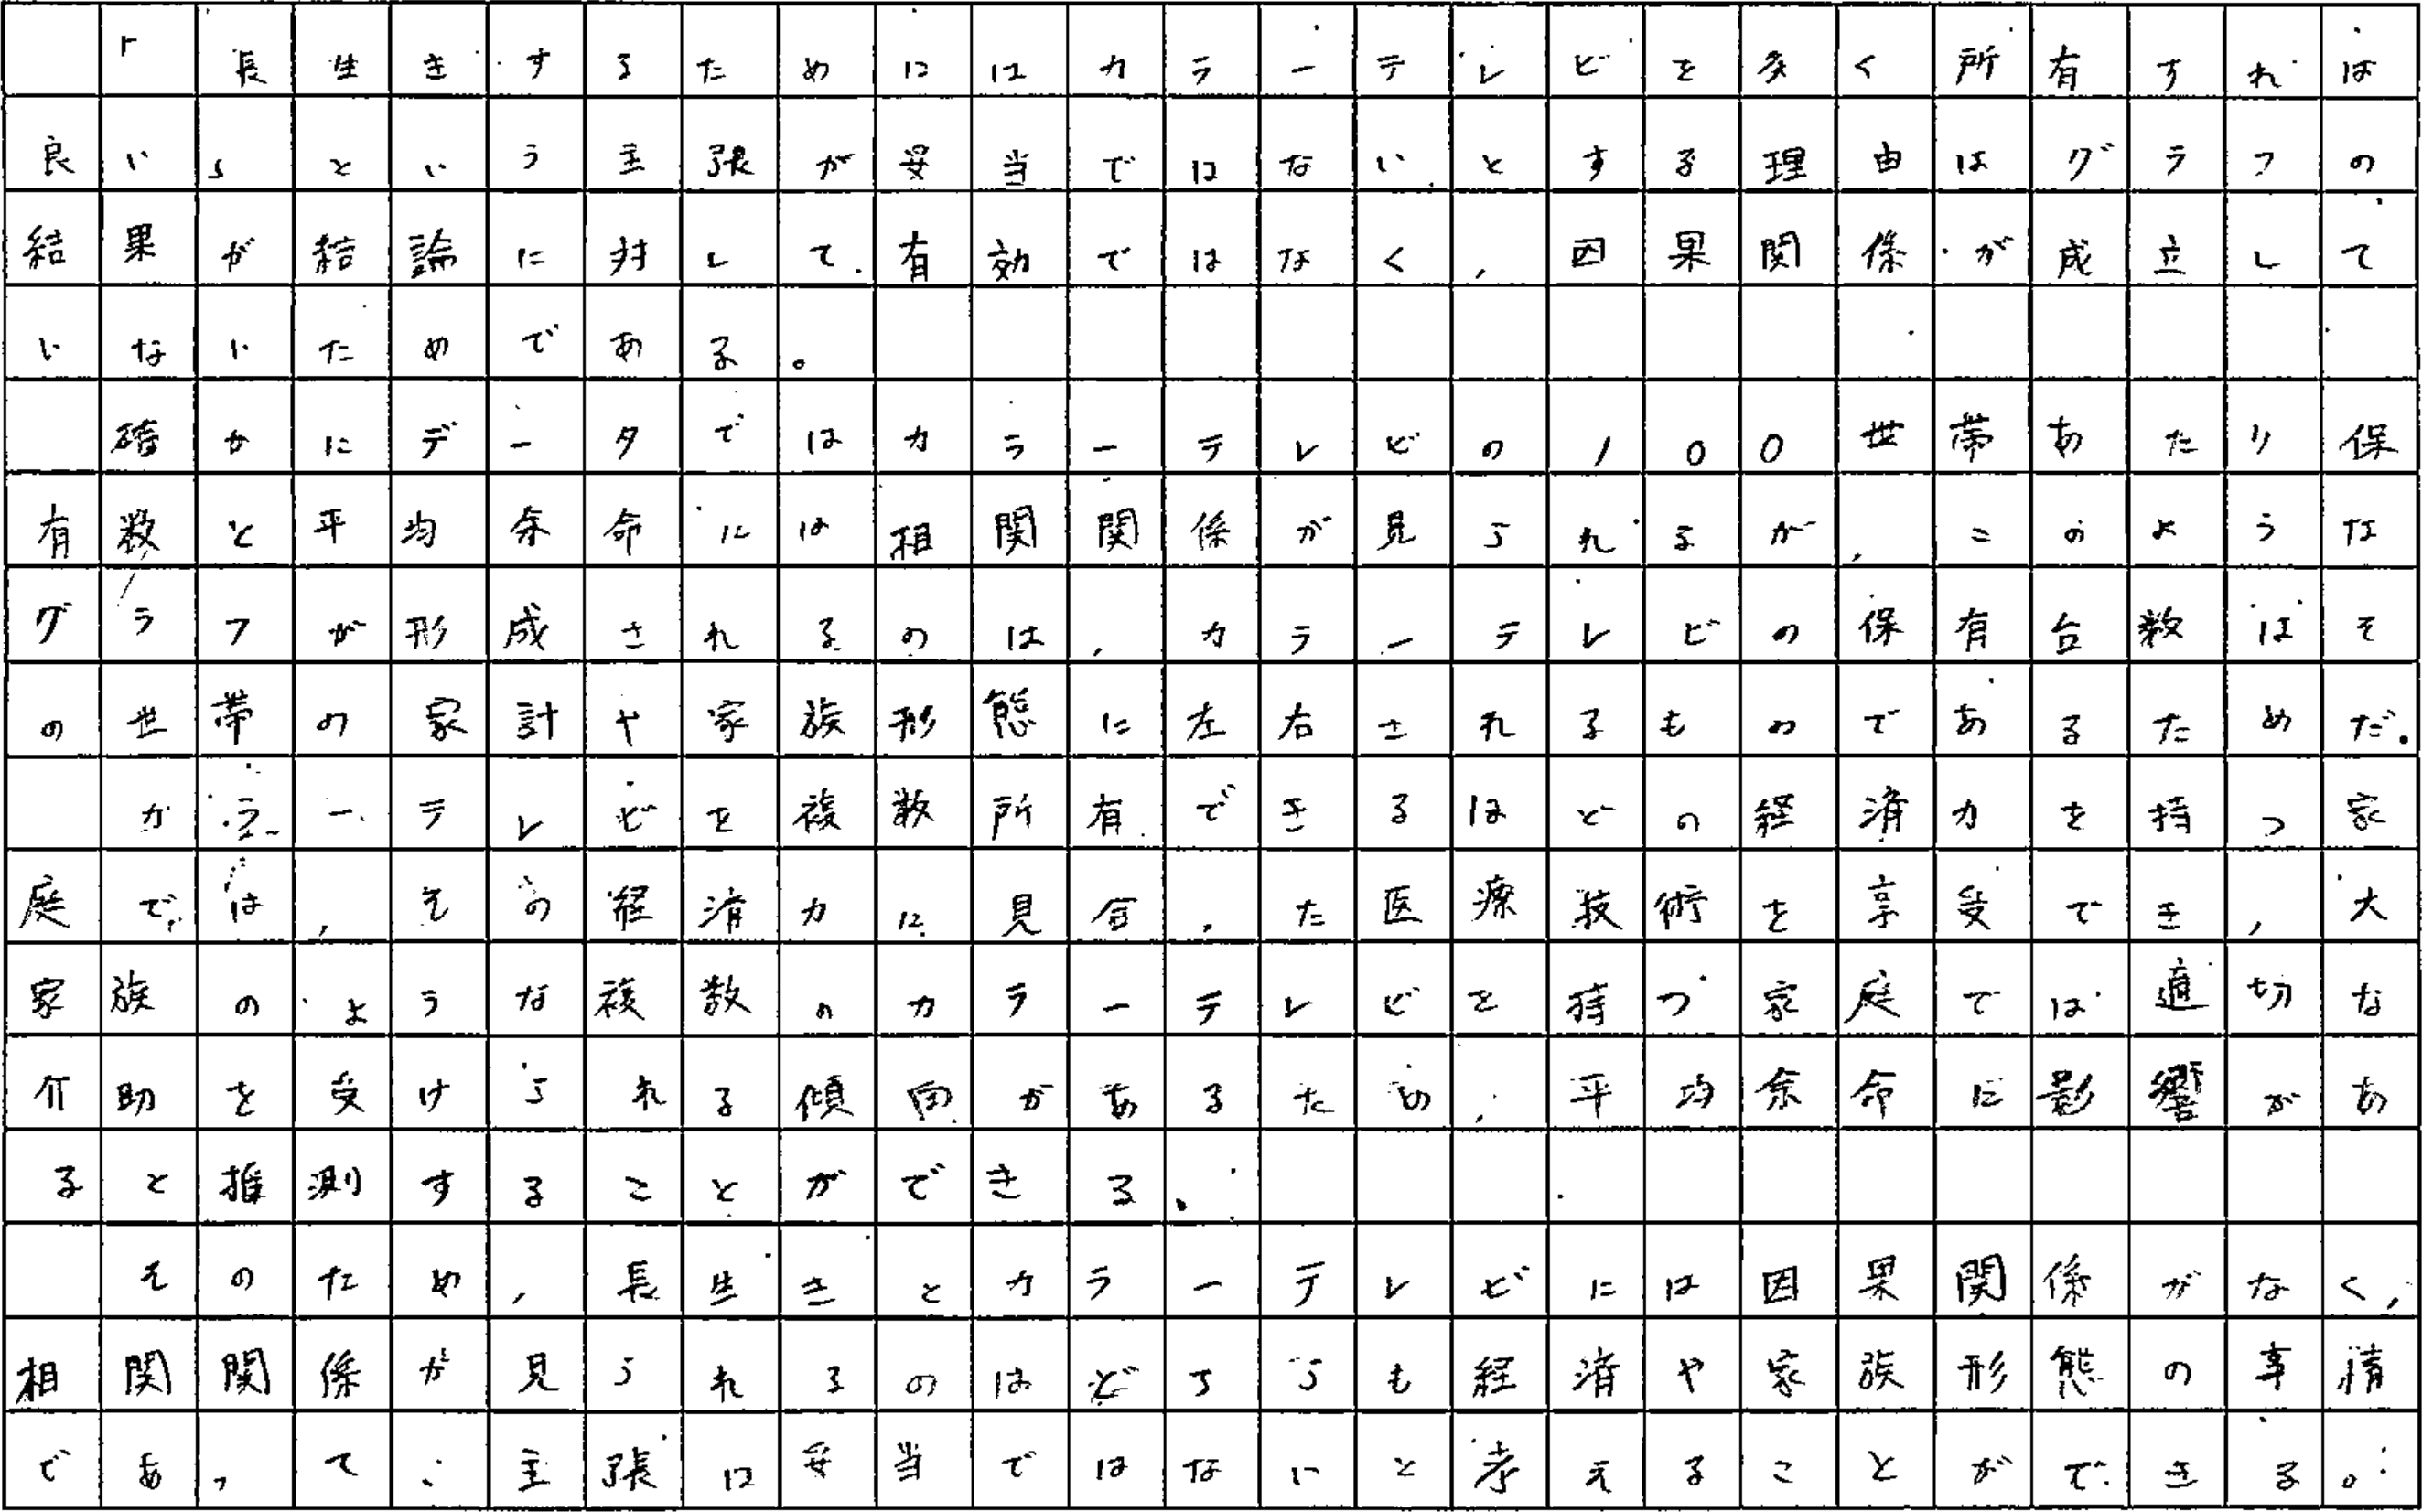　「長生きするためにはカラーテレビを多く所有すれば良い」という主張が妥当ではないとする理由はグラフの結果が結論に対して有効ではなく、因果関係が成立していないためである。
　確かにデータではカラーテレビの１００世帯あたり保有数と平均余命には相関関係が見られるが、このようなグラフが形成されるのは、カラーテレビの保有台数はその世帯の家計や家族形態に左右されるものであるためだ。
　カラーテレビを複数所有できるほどの経済力を持つ家庭では、その経済力に見合った医療技術を享受でき、大家族のような複数のカラーテレビを持つ家庭では適切な介助を受けられる傾向があるため、平均余命に影響があると推測することができる。
　そのため、長生きとカラーテレビには因果関係がなく、相関関係が見られるのはどちらも経済や家族形態の事情であって、主張は妥当ではないと考えることができる。
